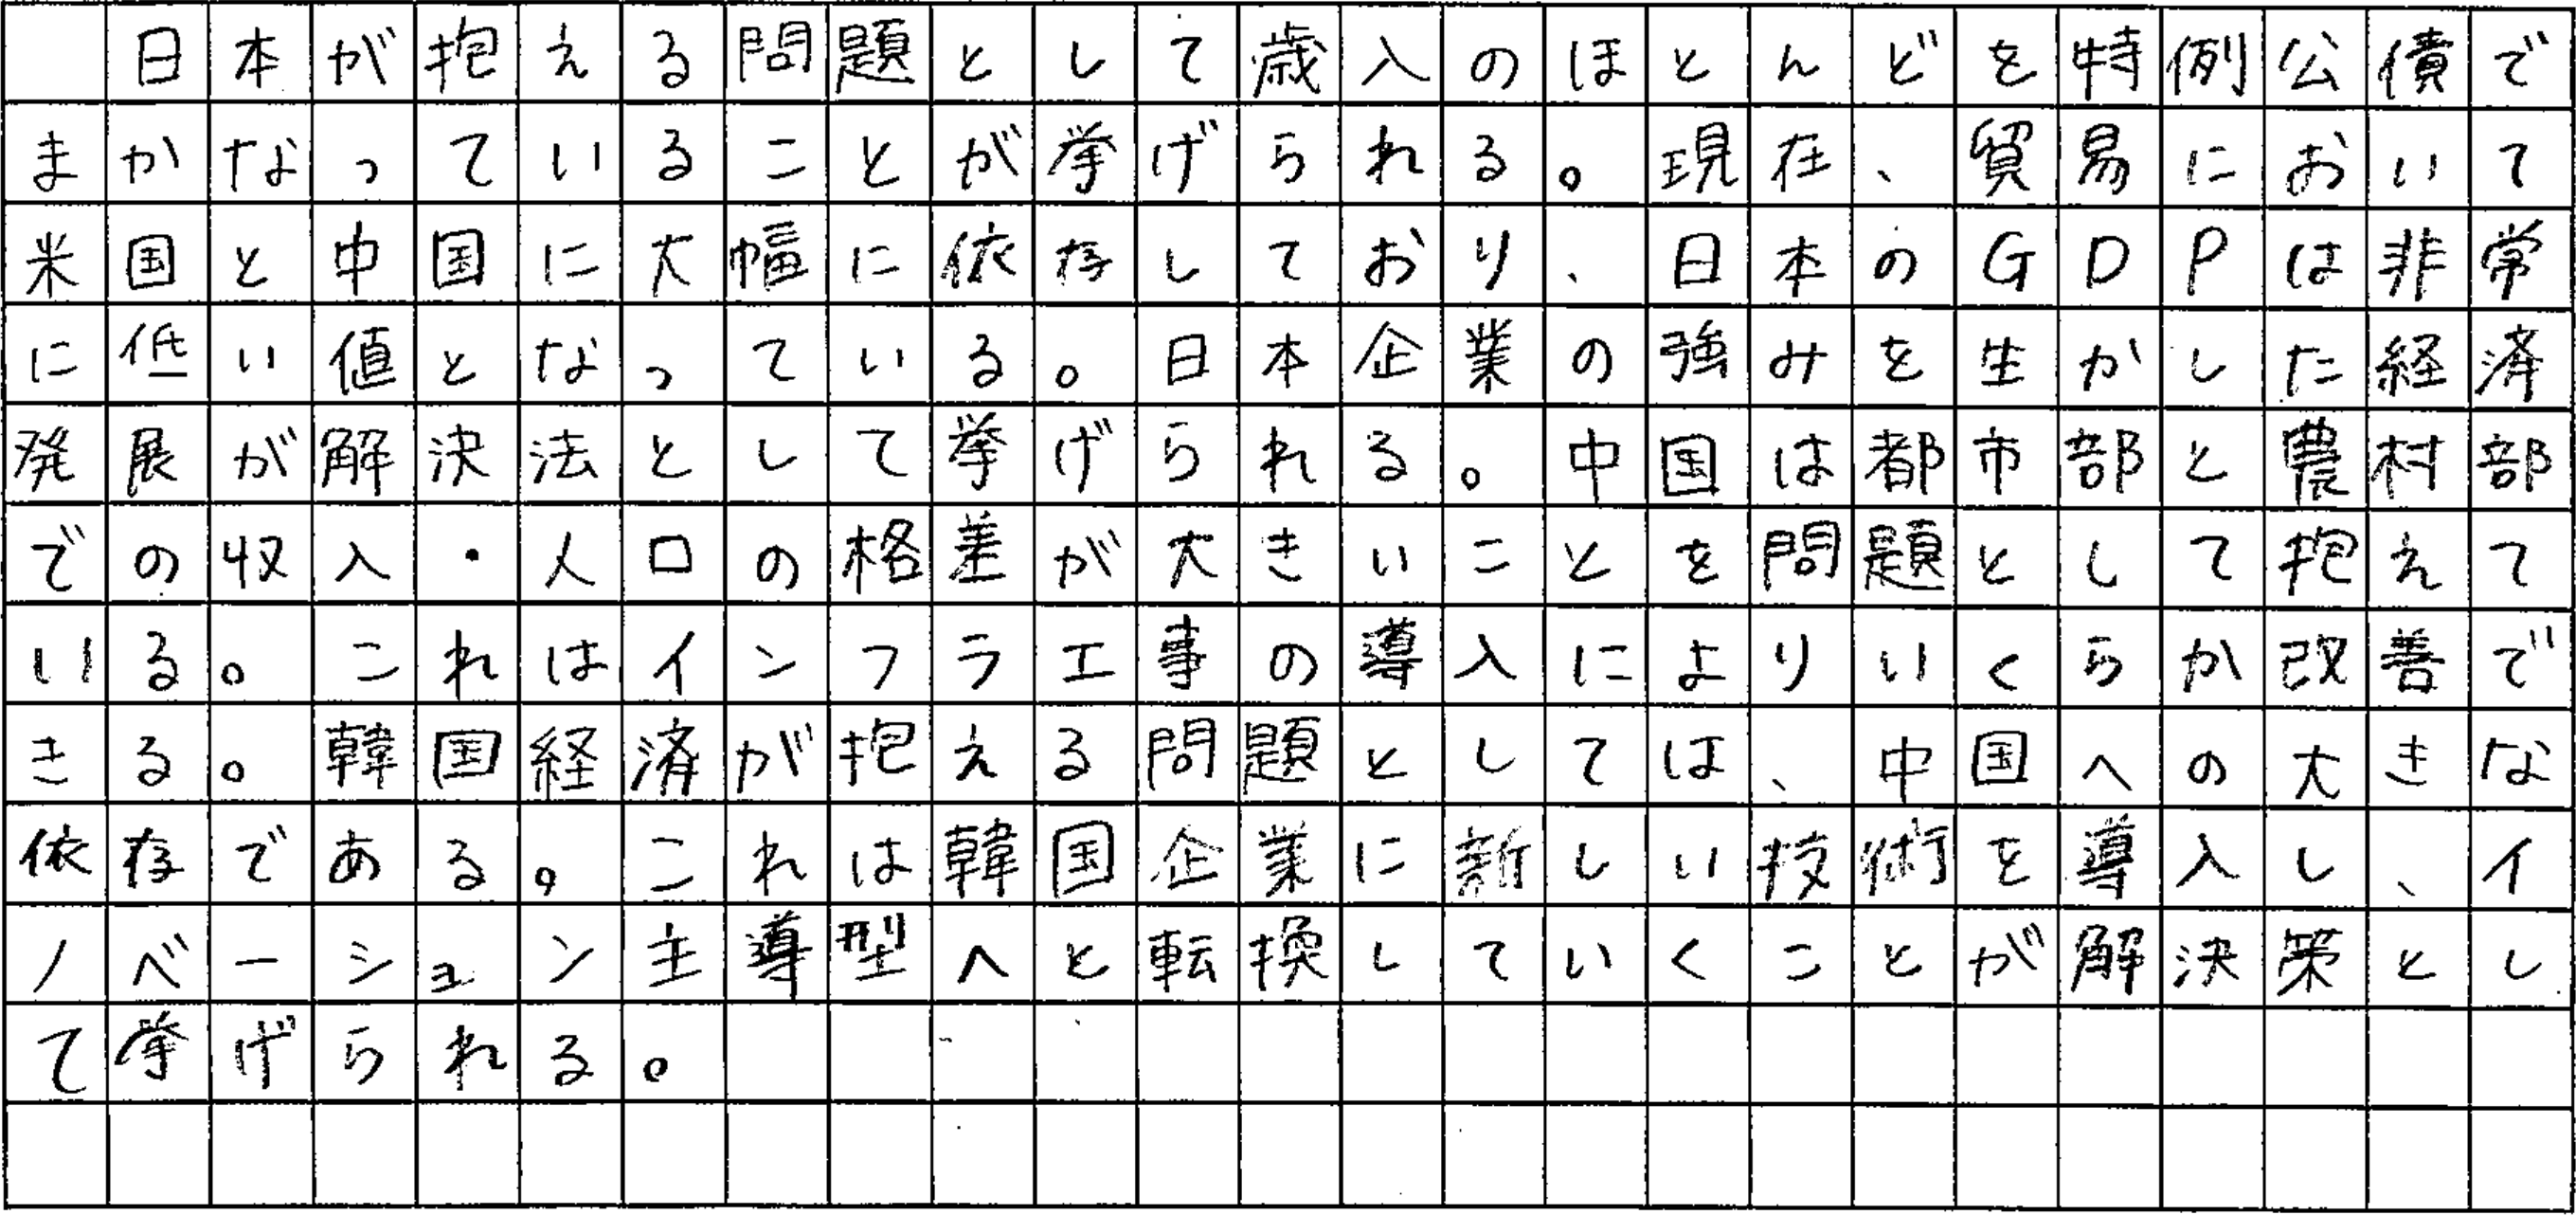　日本が抱える問題として歳入のほとんどを特例公債でまかなっていることが挙げられる。現在、貿易において米国と中国に大幅に依存しており、日本のＧＤＰは非常に低い値となっている。日本企業の強みを生かした経済発展が解決法として挙げられる。中国は都市部と農村部での収入・人口の格差が大きいことを問題として抱えている。これはインフラ工事の導入によりいくらか改善できる。韓国経済が抱える問題としては、中国への大きな依存である。これは韓国企業に新しい技術を導入し、イノベーション主導型へと転換していくことが解決策として挙げられる。
